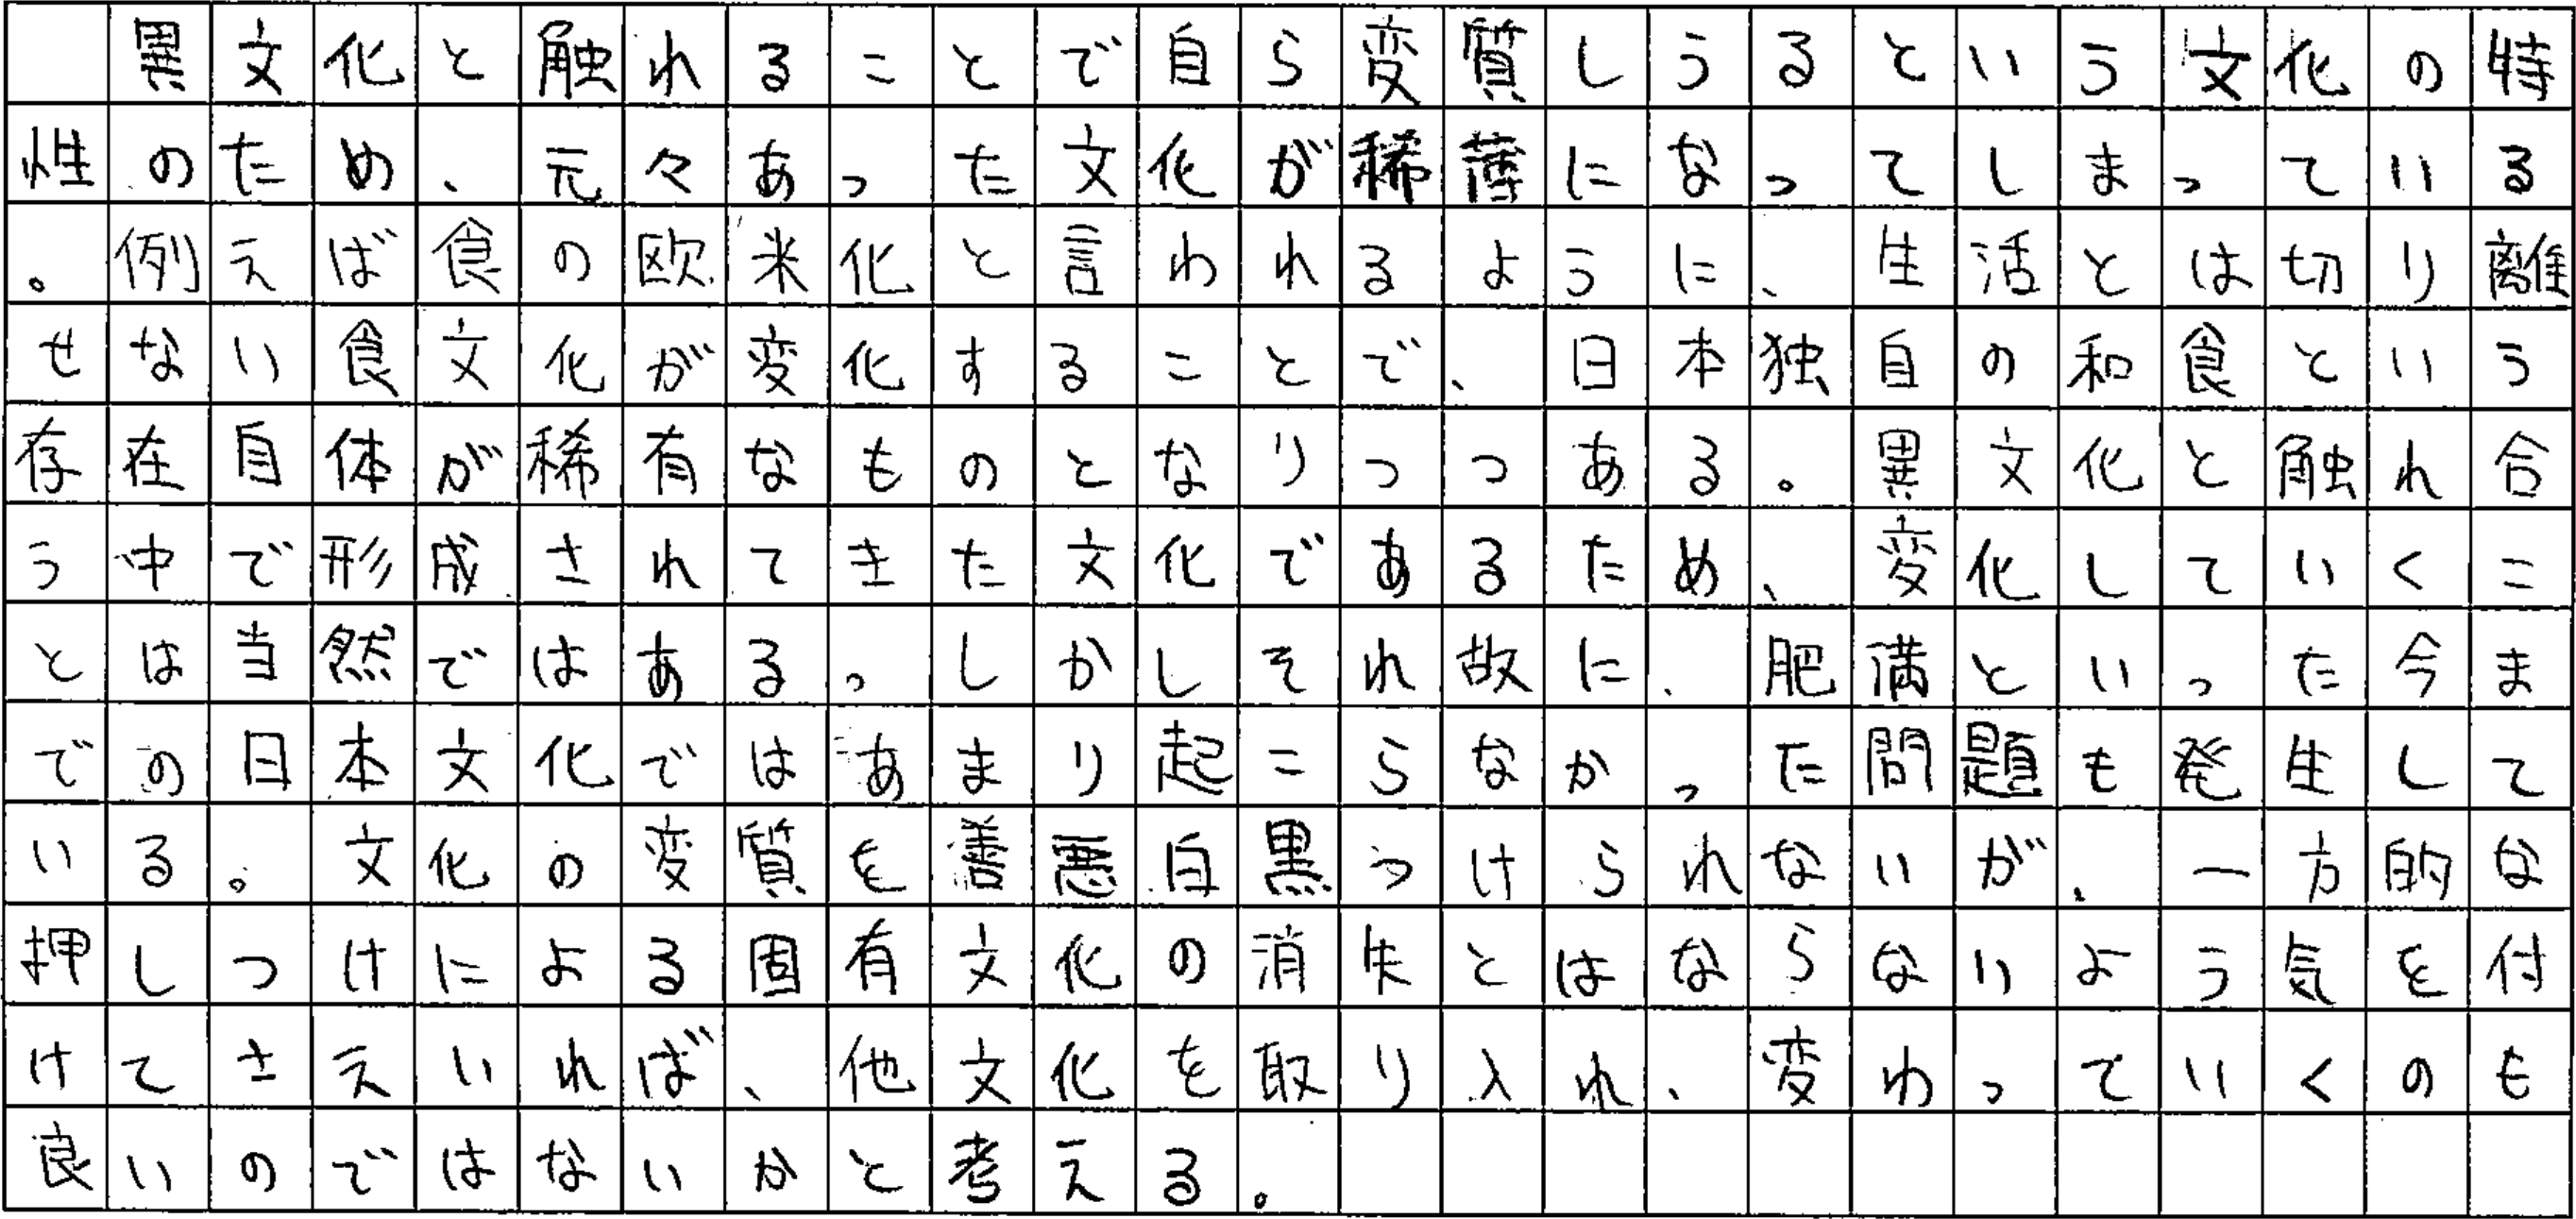　異文化と触れることで自ら変質しうるという文化の特性のため、元々あった文化が稀薄になってしまっている。例えば食の欧米化と言われるように、生活とは切り離せない食文化が変化することで、日本独自の和食という存在自体が稀有なものとなりつつある。異文化と触れ合う中で形成されてきた文化であるため、変化していくことは当然ではある。しかしそれ故に、肥満といった今までの日本文化ではあまり起こらなかった問題も発生している。文化の変質を善悪白黒つけられないが、一方的な押しつけによる固有文化の消失とはならないよう気を付けてさえいれば、他文化を取り入れ、変わっていくのも良いのではないかと考える。
